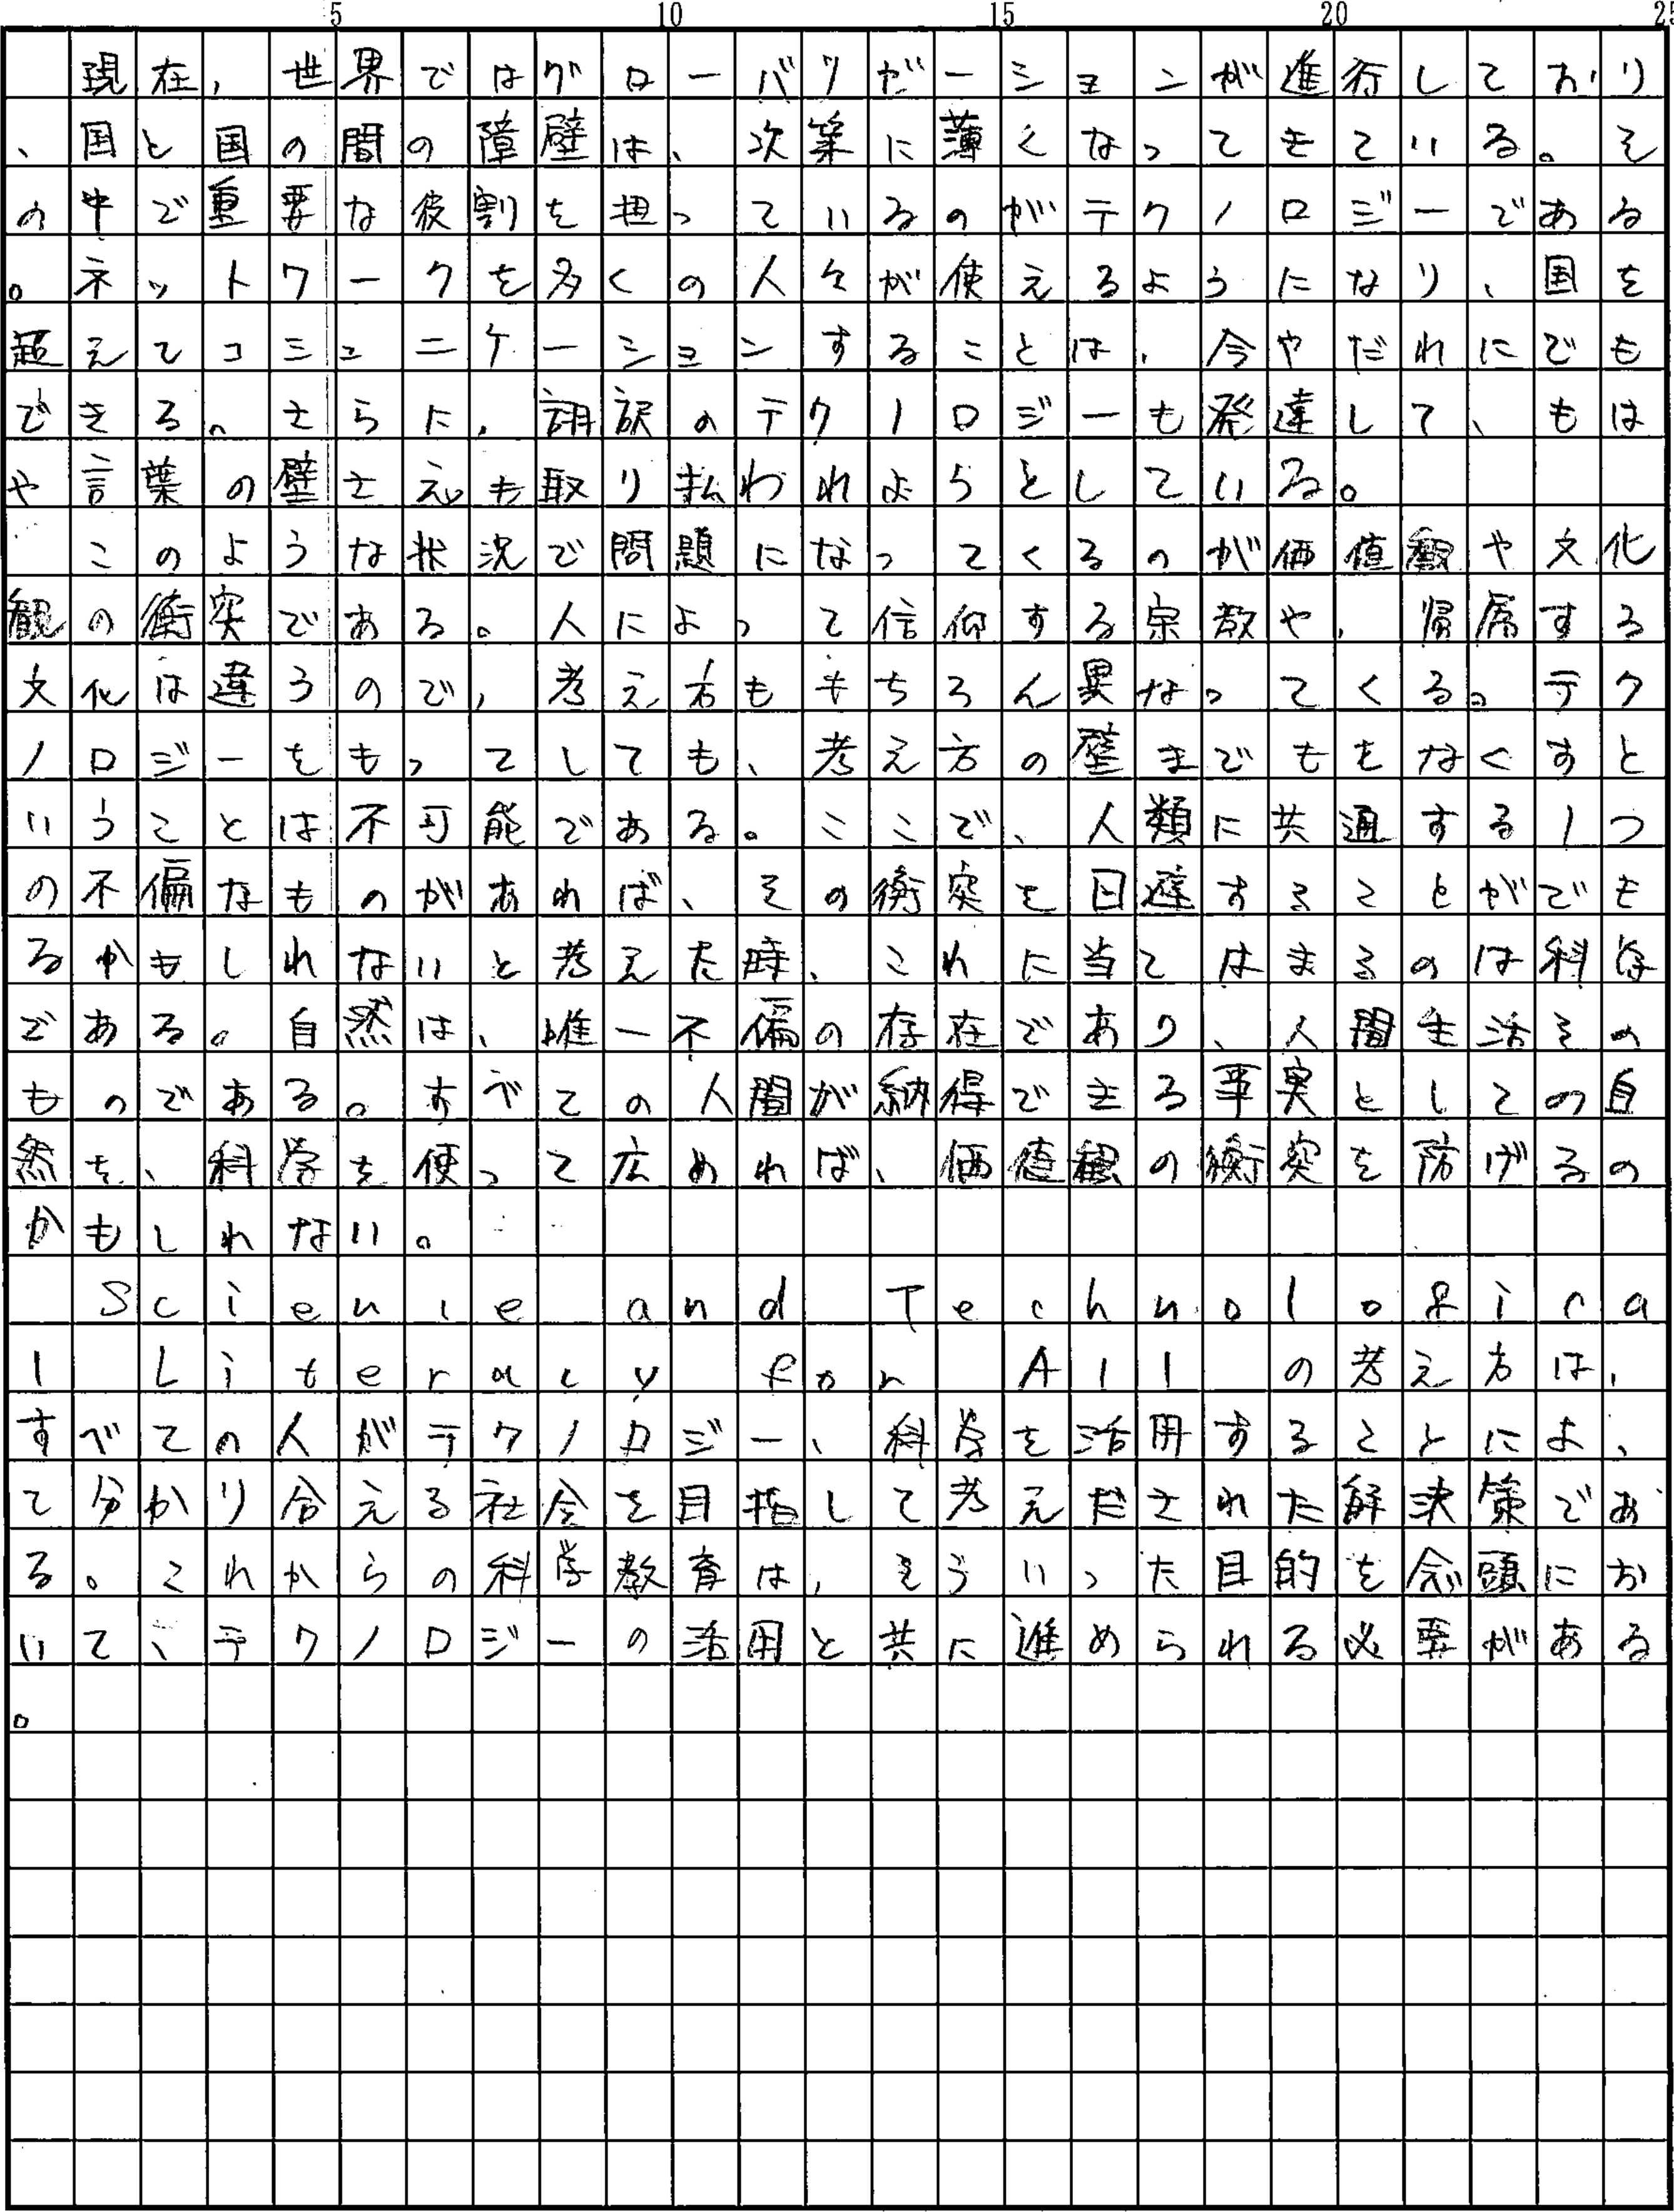　現在、世界ではグローバリゼーションが進行しており、国と国の間の障壁は、次第に薄くなってきている。その中で重要な▁割を担っているのがテクノロジーである。ネットワークを多くの人々が使えるようになり、国を超えてコミュニケーションすることは、今やだれにでもできる。さらに、▁訳のテクノロジーも発達して、もはや言葉の壁さえも取り払われようとしている。
　このような状況で問題になってくるのが価値観や文化観の衡突である。人によって信仰する▁教や、帰属する文化は違うので、考え方ももちろん異なってくる。テクノロジーをもってしても、考え方の壁までもをなくすということは不可能である。ここで、人類に共通する１つの不偏なものがあれば、その衡突を回避することがでもるかもしれないと考えた時、これに当てはまるのは科学である。自然は、唯一不偏の存在であり、人間生活そのものである。すべての人間が納得できる事実としての自然を、科学を使って広めれば、価値観の衡突を防げるのかもしれない。
　Ｓｃｉｅｎｃｅ　ａｎｄ　Ｔｅｃｈｎｏｌｏｇｉｃａｌ　Ｌｉｔｅｒａｃｙ　ｆｏｒ　Ａｌｌ　の考え方は、すべての人がテクノロジー、科学を活用することによって分かり合える社会を目指して考えだされた解決策である。これからの科学教育は、そういった目的を念頭において、テクノロジーの活用と共に進められる必要がある。
